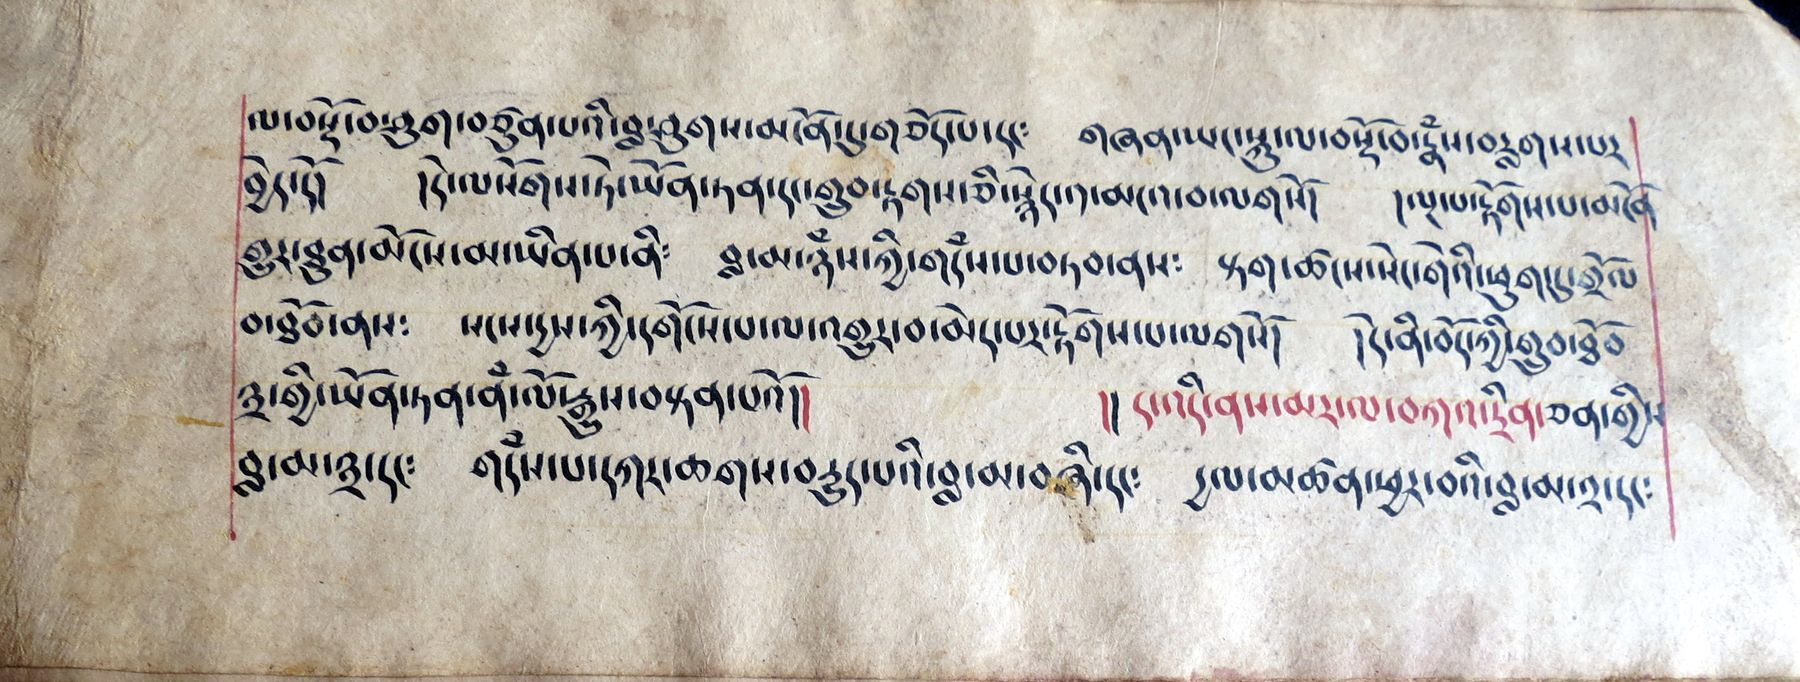ལ་བསྡོ་བའི་ཤུགས་བཙུན་པའི་བླ་ཤུག་མངོན་དུ་གཅོད་པ་དང་། གཞན་ཡང་སྐུ་ལ་བསྡོ་བ་རྣམས་བརླག་པར་
བྱེད་དོ། །དེ་ལས་སོགས་ཏེ་ཡོན་ཏན་དང་གྲུབ་རྟགས་ཅི་སྙེད་ཅིག་མངའ་བ་ལགས་སོ། །ལྔ་པ་རྟོགས་པ་མངོན་
གྱུར་ཐུན་མོང་མ་ཡིན་པ་ནི། བླ་མས་ཉམས་ཀྱི་གདམས་ངག་བཏབ་ནས། སྟག་ཚང་སེང་གེའི་ཕུག་ཏུ་གྲོལ་
བ་ཐོབ་ནས། སངས་རྒྱས་ཀྱི་དགོངས་པ་ལ་འགྱུར་བ་མེད་པར་རྟོགས་པ་ལགས་སོ། །དེ་ནི་བོད་ཀྱི་གྲུབ་ཐོབ་
གསུམ་གྱི་ཡོན་ཏན་ནམ་ལོ་རྒྱུས་བསྟན་པའོ། །ད་འདི་ནས་མར་ལ་བཀའ་དྲིན་ཅན་གྱི་
བླ་མ་གསུམ་དང་། གདམས་པ་དཀར་ཆག་བརྒྱུད་པའི་བླ་མ་བཞི་དང་། རྒྱལ་མཚན་ཕྱར་བའི་བླ་མ་གསུམ་དང་